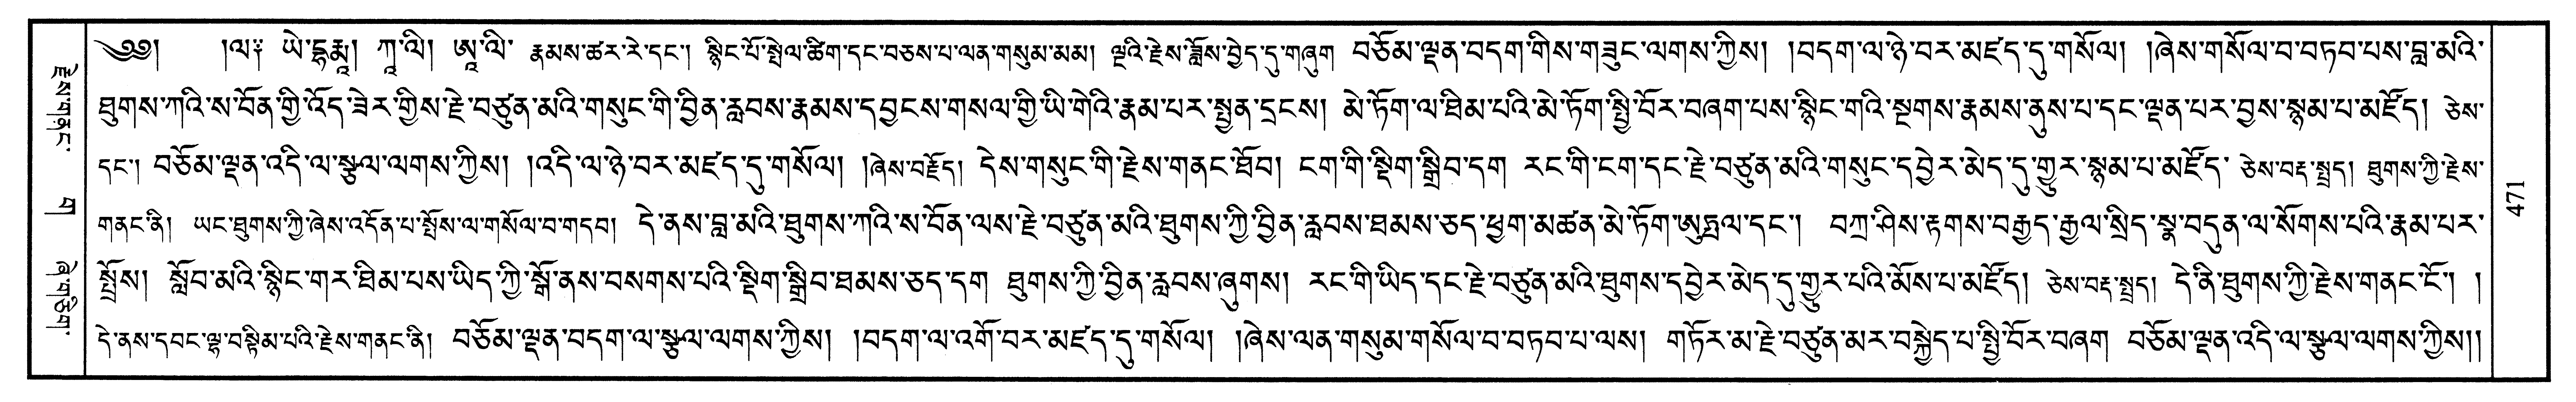༄༅། །ལ༑ ཡེ་དྷརྨཱ། ཀཱ་ལི། ཨཱ་ལི་རྣམས་ཚར་རེ་དང་། སྙིང་པོ་སྤེལ་ཚིག་དང་བཅས་པ་ལན་གསུམ་མམ། ལྔའི་རྗེས་ཟློས་བྱེད་དུ་གཞུག་བཅོམ་ལྡན་བདག་གིས་གཟུང་ལགས་ཀྱིས། །བདག་ལ་ཉེ་བར་མཛད་དུ་གསོལ། །ཞེས་གསོལ་བ་བཏབ་པས་བླ་མའི་
ཐུགས་ཀའི་ས་བོན་གྱི་འོད་ཟེར་གྱིས་རྗེ་བཙུན་མའི་གསུང་གི་བྱིན་རླབས་རྣམས་དབྱངས་གསལ་གྱི་ཡི་གེའི་རྣམ་པར་སྤྱན་དྲངས། མེ་ཏོག་ལ་ཐིམ་པའི་མེ་ཏོག་སྤྱི་བོར་བཞག་པས་སྙིང་གའི་སྔགས་རྣམས་ནུས་པ་དང་ལྡན་པར་བྱས་སྙམ་པ་མཛོད། ཅེས་
དང་། བཅོམ་ལྡན་འདི་ལ་སྩལ་ལགས་ཀྱིས། །འདི་ལ་ཉེ་བར་མཛད་དུ་གསོལ། །ཞེས་བརྗོད། དེས་གསུང་གི་རྗེས་གནང་ཐོབ། ངག་གི་སྡིག་སྒྲིབ་དག་རང་གི་ངག་དང་རྗེ་བཙུན་མའི་གསུང་དབྱེར་མེད་དུ་གྱུར་སྙམ་པ་མཛོད་ཅེས་བརྡ་སྤྲད། ཐུགས་ཀྱི་རྗེས་
གནང་ནི། ཡང་ཐུགས་ཀྱི་ཞེས་འདོན་པ་སྤོས་ལ་གསོལ་བ་གདབ། དེ་ནས་བླ་མའི་ཐུགས་ཀའི་ས་བོན་ལས་རྗེ་བཙུན་མའི་ཐུགས་ཀྱི་བྱིན་རླབས་ཐམས་ཅད་ཕྱག་མཚན་མེ་ཏོག་ཨུཏྤལ་དང་། བཀྲ་ཤིས་རྟགས་བརྒྱད་རྒྱལ་སྲིད་སྣ་བདུན་ལ་སོགས་པའི་རྣམ་པར་
སྤྲོས། སློབ་མའི་སྙིང་གར་ཐིམ་པས་ཡིད་ཀྱི་སྒོ་ནས་བསགས་པའི་སྡིག་སྒྲིབ་ཐམས་ཅད་དག་ཐུགས་ཀྱི་བྱིན་རླབས་ཞུགས། རང་གི་ཡིད་དང་རྗེ་བཙུན་མའི་ཐུགས་དབྱེར་མེད་དུ་གྱུར་པའི་མོས་པ་མཛོད། ཅེས་བརྡ་སྤྲད། དེ་ནི་ཐུགས་ཀྱི་རྗེས་གནང་ངོ། །
དེ་ནས་དབང་ལྷ་བསྟིམ་པའི་རྗེས་གནང་ནི། བཅོམ་ལྡན་བདག་ལ་སྩལ་ལགས་ཀྱིས། །བདག་ལ་འགོ་བར་མཛད་དུ་གསོལ། །ཞེས་ལན་གསུམ་གསོལ་བ་བཏབ་པ་ལས། གཏོར་མ་རྗེ་བཙུན་མར་བསྐྱེད་པ་སྤྱི་བོར་བཞག །བཅོམ་ལྡན་འདི་ལ་སྩལ་ལགས་ཀྱིས།།